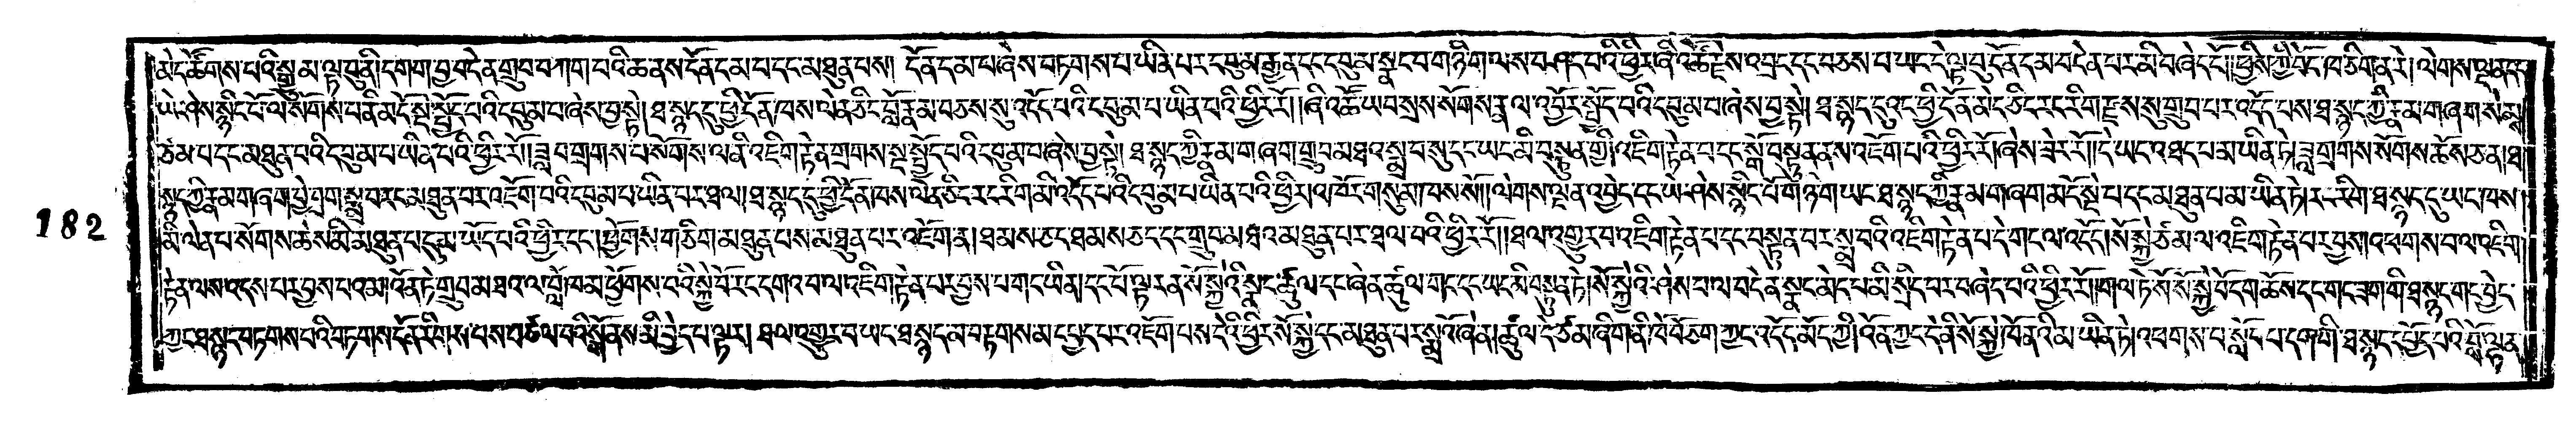མེད་ཚོགས་པའི་སྒྱུ་མ་ལྟ་བུ་ནི། དགག་བྱ་བདེན་གྲུབ་བཀག་པའི་ཆ་ནས་དོན་དམ་པ་དང་མཐུན་པས། དོན་དམ་པ་ཞེས་བཏགས་པ་ཡིན་པར་དབུ་མ་རྒྱན་དང་དབུ་མ་སྣང་བ་གཉིས་ལས་བཤད་པའི་ཕྱིར་ཞི་འཚོ་རྗེས་འབྲང་དང་བཅས་པ་ཡང་དེ་ལྟ་བུ་དོན་དམ་བདེན་པར་མི་བཞེད་དོ། །ཕྱིས་ཀྱི་བོད་ཁ་ཅིག་ན་རེ། ལེགས་ལྡན་དང་
ཡེ་ཤེས་སྙིང་པོ་ལ་སོགས་པ་ནི་མདོ་སྡེ་སྤྱོད་པའི་དབུ་མ་པ་ཞེས་བྱ་སྟེ། ཐ་སྙད་དུ་ཕྱི་དོན་ཁས་ལེན་ཅིང་བློ་རྣམ་བཅས་སུ་འདོད་པའི་དབུ་མ་བ་ཡིན་བའི་ཕྱིར་རོ། །ཞི་འཚོ་ཡབ་སྲས་སོགས་རྣལ་འབྱོར་སྤྱོད་པའི་དབུ་མ་ལ་ཞེས་བྱ་སྟེ། ཐ་སྙད་དུའང་ཕྱི་དོན་མེད་ཅིང་རང་རིག་རྫས་སུ་གྲུབ་པར་འདོད་པས་ཐ་སྙད་ཀྱི་རྣམ་གཞག་སེམས་
ཙམ་ཁ་དང་མཐུན་པའི་དབུ་མ་པ་ཡིན་པའི་ཕྱིར་རོ། །ཟླ་བ་གྲགས་པ་སོགས་ལ་ནི་འཇིག་རྟེན་གྲགས་སྔ་སྤྱོད་པའི་དབུ་མ་བཞེས་བྱ་སྟེ། ཐ་སྙད་ཀྱི་རྣམ་གཞག་གྲུབ་མཐའི་?་སྨྲ་བསུ་དང་ཡང་མི་བསྟུན་གྱི། འཇིག་རྟེན་པ་དང་སྒོ་བསྟུན་ནས་འཇོག་པའི་ཕྱིར་རོ། ཞེས་ཟེར་རོ། །དེ་ཡང་འཐད་པ་མ་ཡིན་ཏེ། ཟླ་གྲགས་སོགས་ཆོས་ཅན། ཐ་
སྙད་ཀྱི་རྣམ་གཞག་བྱེ་བྲག་སྨྲ་བ་རང་མཐུན་པར་འཇོག་པའི་དབུ་མ་པ་ཡིན་པར་ཐལ། ཐ་སྙད་དུ་ཕྱི་དོན་ཁས་ལེན་ཅིང་རང་རིག་མི་འདོད་པའི་དབུ་མ་པ་ཡིན་པའི་ཕྱིར། འཁོར་གསུམ་ཁས་སོ། །ལེགས་ལྡན་འབྱེད་དང་ཡེ་ཤེས་སྙིང་པོ་གཉི་ག་ཡང་ཐ་སྙད་ཀྱི་རྣམ་གཞག་མདོ་སྡེ་པ་དང་མཐུན་པ་མ་ཡིན་ཏེ། རང་རིག་ཐ་སྙད་དུ་ཡང་ཁས་
མི་ལེན་པ་སོགས་ཆེས་མི་མཐུན་པ་དུ་མ་ཡོད་པའི་ཕྱིར་དང་། ཕྱོགས་གཅིག་མཐུན་པས་མཐུན་པར་འཇོག་ན། ཐམས་ཅད་ཐམས་ཅད་དང་གྲུབ་མཐའ་མཐུན་པར་ཐལ་བའི་ཕྱིར་རོ། །ཐལ་འགྱུར་བ་འཇིག་རྟེན་པ་དང་བསྟུན་བར་སྨྲ་བའི་འཇིག་རྟེན་པ་དེ་གང་ལ་འདོད། སོ་སྐྱེ་ཙམ་ལ་འཇིག་རྟེན་པར་བྱས། འཕགས་བ་ལ་འཇིག་
རྟེན་ལས་འདས་པར་བྱས་པའམ། འོན་ཏེ་གྲུབ་མཐའ་ལ་བླ་ལམ་ཕྱོགས་པའི་སྐྱེ་བོ་རང་དགའ་བ་ལ་འཇིག་རྟེན་པར་བྱས་པ་གང་ཡིན། དང་པོ་ལྟར་ན་སོ་སྐྱེའི་སྣང་ཚུལ་དང་ཞེན་ཚུལ་གང་དང་ཡང་མི་བསྟུན་ཏེ། སོ་སྐྱེའི་ཤེས་པ་ལ་བདེན་སྣང་མེད་པ་མི་སྲིད་བར་བཞེད་པའི་ཕྱིར་རོ། །གལ་ཏེ་སོ་སོ་སྐྱེ་བོ་དག་ཆོས་དང་གང་ཟག་གི་ཐ་སྙད་གང་བྱེད་
ཀྱང་ཐ་སྙད་བཏགས་པའི་བཏགས་དོན་རིགས་པས་བཙལ་བའི་སྒོ་ནས་མི་བྱེད་པ་ལྟར། ཐལ་འགྱུར་བ་ཡང་ཐ་སྙད་མ་བརྟགས་མ་དཔྱད་པར་འཇོག་པས་དེའི་ཕྱིར་སོ་སྐྱེ་དང་མཐུན་པར་སྨྲའོ་ཞེ་ན། ཚུལ་དེ་ཙམ་ཞིག་ནི་ཁོ་བོ་ཅག་ཀྱང་འདོད་མོད་ཀྱི། འོན་ཀྱང་དེ་ནི་སོ་སྐྱེ་ཁོ་ནའི་མ་ཡིན་ཏེ། འཕགས་པ་སློབ་པ་དག་གི་ཐ་སྙད་དཔྱོད་པའི་བློ་ལྷན་